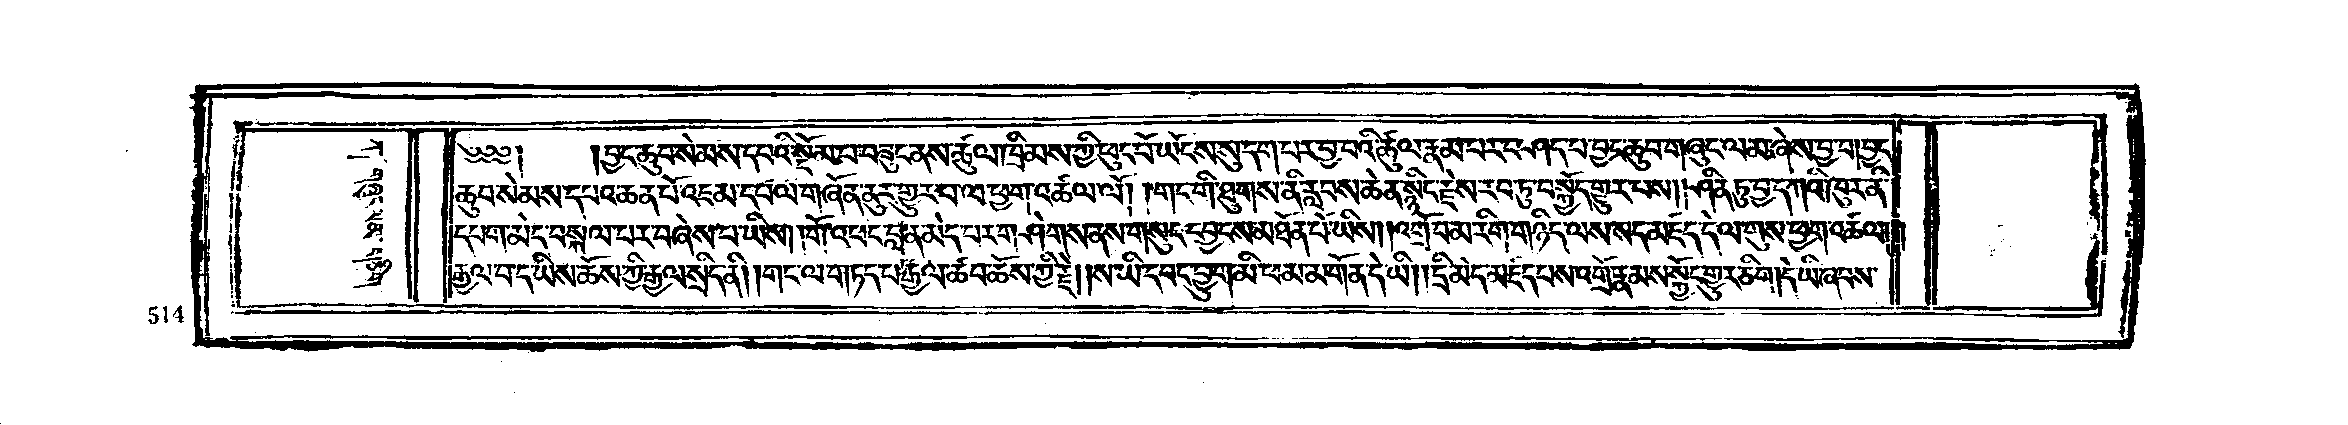༄༅༅། །བྱང་ཆུབ་སེམས་དཔའི་སྡོམ་པ་བཟུང་ནས་ཚུལ་ཁྲིམས་ཀྱི་ཕུང་པོ་ཡོངས་སུ་དག་པར་བྱ་བའི་ཚུལ་རྣམ་པར་བཤད་པ་བྱང་ཆུབ་གཞུང་ལམ་ཞེས་བྱ་བ། བྱང་
ཆུབ་སེམས་དཔའ་ཆེན་པོ་འཇམ་དཔལ་གཞོན་ནུར་གྱུར་པ་ལ་ཕྱག་འཚལ་ལོ། །གང་གི་ཐུགས་ནི་རླབས་ཆེན་སྙིང་རྗེས་རབ་ཏུ་བསྐྱོད་གྱུར་པས། །ཤིན་ཏུ་བྱ་དཀའི་ཁུར་ནི་
དཔག་མེད་བསྐལ་པར་བཞེས་པ་ཡིས། །གོ་འཕང་བླ་ན་མེད་པར་གཤེགས་ནས་གསུང་དབྱངས་མཐོན་པོ་ཡིས། །འགྲོ་བ་མ་རིག་གཉིད་ལས་སད་མཛད་དེ་ལ་གུས་ཕྱག་འཚལ། །
རྒྱལ་བ་ང་ཡིས་ཆོས་ཀྱི་རྒྱལ་སྲིད་ནི། །གང་ལ་གཏད་པ་རྒྱལ་ཚབ་ཆོས་ཀྱི་རྗེ། །ས་ཡི་དབང་ཕྱུག་མི་ཕམ་མགོན་དེ་ཡི། །དྲི་མེད་མཛད་པས་འགྲོ་རྣམས་སྐྱོང་གྱུར་ཅིག །དེ་ཡི་ཞབས་